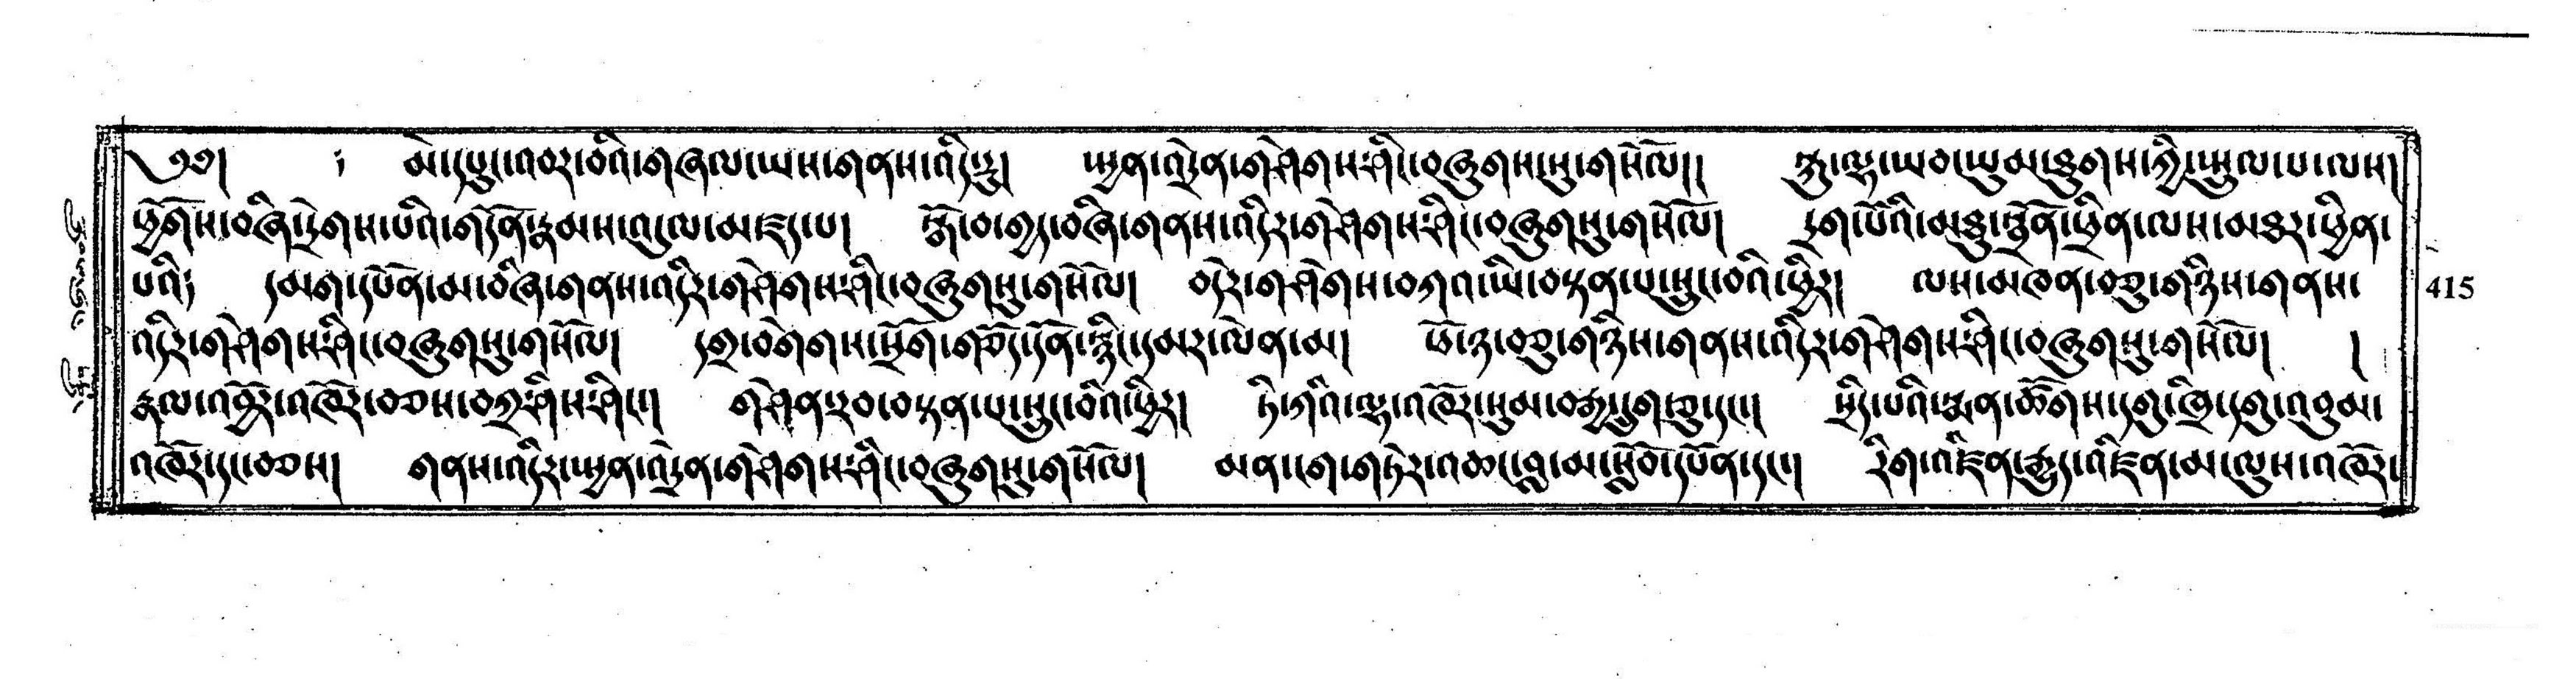མེ་དཔུང་འབར་བའི་གཞལ་ཡས་གནས་འདི་རུ། སྤྱན་འདྲེན་གཤེགས་ཤིང་བཞུགས་སུ་གསོལ།། སྐུ་ལྷ་ཡབ་ཡུམ་ཐུགས་ཀྱི་{425}སྤྲུལ་པ་ལས། 
ཕྱོགས་བཞི་དྲེགས་པའི་གདོན་རྣམས་འདུལ་མཛད་པ། སྒོ་བ་གྱད་བཞི་གནས་འདིར་གཤེགས་ཤིང་བཞུགས་སུ་གསོལ། དྲག་པོའི་མཐུ་སྦྲོན་ཕྲིན་ལས་མཐར་ཕྱིན་
པའི། དམག་དཔོན་མ་བཞི་གནས་འདིར་གཤེགས་ཤིང་བཞུགས་སུ་གསོལ། བདེར་གཤེགས་བཀའ་ཡི་བསྟན་པ་སྲུང་བའི་ཕྱིར། ལས་མཁན་བཅུ་གཉིས་གནས་
འདིར་གཤེགས་ཤིང་བཞུགས་སུ་གསོལ།། དགྲ་བགེགས་སྲོག་གཅོད་དོན་སྙིང་དམར་ལེན་མ།། ཕོ་ཉ་བཅུ་གཉིས་གནས་འདིར་གཤེགས་ཤིང་བཞུགས་སུ་གསོལ། །
རྣལ་འབྱོར་འཁོར་བཅས་བཀྲ་ཤིས་ཤིང་། གཤེན་རབ་བསྟན་པ་བསྲུང་བའི་ཕྱིར། ཏི་ཀའི་ལྷ་འཁོར་སུམ་བརྒྱ་དྲུག་ཅུ་དང་། སྲིད་པའི་སྨན་ཚོགས་དགུ་ཁྲི་དགུ་འབུམ་
འཁོར་དང་བཅས། གནས་འདིར་སྤྱན་འདྲེན་གཤེགས་ཤིང་བཞུགས་སུ་གསོལ། མན་ངག་གཏེར་འཆང་བླ་མ་སློབ་དཔོན་དང་། རིག་འཛིན་རྒྱུད་འཛིན་མ་ལུས་འཁོར་